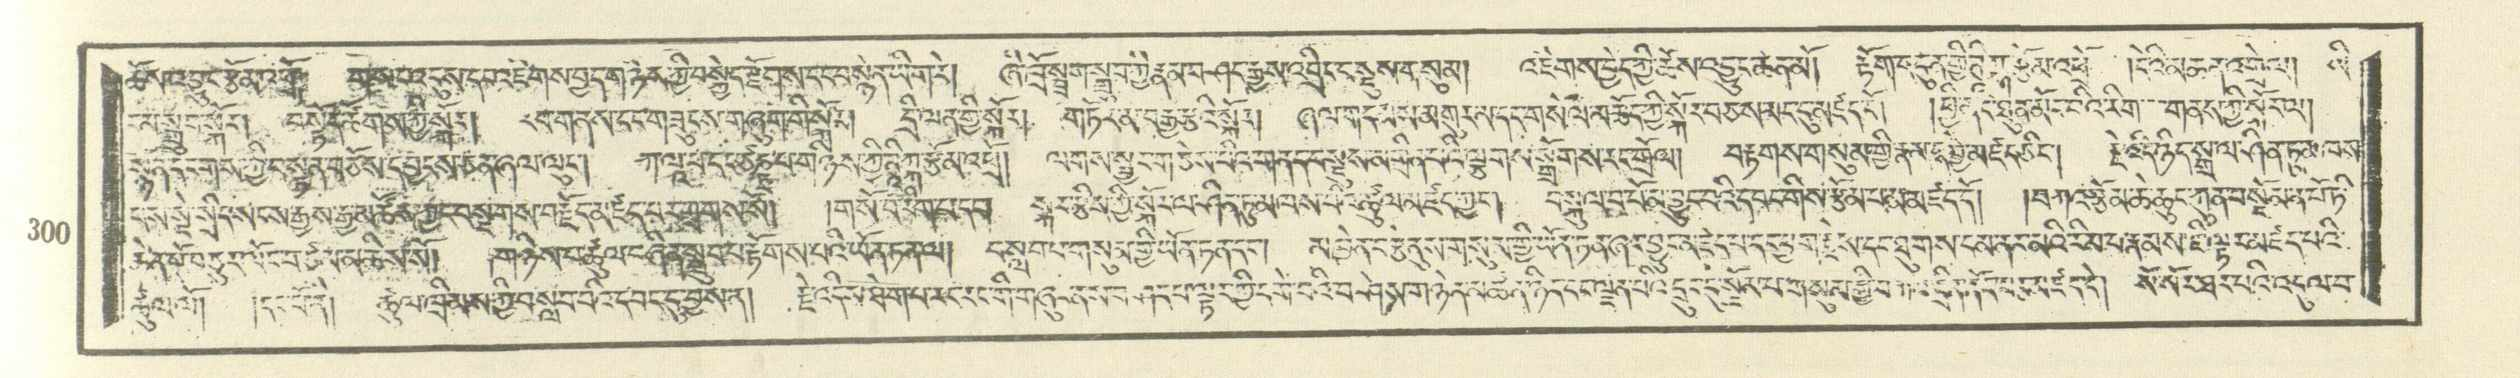ཆོས་འབྱུང་རྩོམ་འཕྲེ། གསང་འདུས་དང་འཇིགས་བྱེད་གཉིས་ཀྱི་བསྐྱེད་རྫོགས་དང་བསྙེན་ཡིག་རེ། ཞི་ཁྲོ་སྦྲག་སྒྲུབ་ཀྱི་རྣམ་བཤད་རྒྱས་འབྲིང་བསྡུས་གསུམ། འཇིགས་བྱེད་ཀྱི་ཆོས་འབྱུང་ཆེན་མོ། རྟོག་བདུན་གྱི་ཊཱིཀྐ་རྩོམ་འཕྲོ་།དེའི་མཆན་འགྲེལ། ཡི་
དམ་སྒྲུབ་སྐོར། བསྟོད་ཚོགས་ཀྱི་སྐོར། རབ་གནས་དང་གཟུངས་གཞུག་གི་སྐོར། དྲི་ལན་གྱི་སྐོར། གཏོར་མ་བརྒྱ་རྩའི་སྐོར། ཞལ་གདམས་མགུར་མ་དང་གསོལ་མཆོད་ཀྱི་སྐོར་བཅས་མང་དུ་མཛད་དོ། །ཕྱི་ནང་ཐུན་མོང་བའི་རིག་གནས་ཀྱི་སྐོར་ལ།
སྙན་དང་གས་ཀྱི་བསྟན་བཅོས་དབྱངས་ཅན་ཞལ་ལུང་། ཀ་ལཱ་པ་དང་ཙཎྜ་པ་གཉིས་ཀྱི་ཊཱིཀྐ་རྩོམ་འཕྲོ། ལེགས་སྦྱར་གཅེས་པའི་གནད་བསྡུས་མགྲིན་པའི་ལྕགས་སྒྲོགས་རང་གྲོལ། བརྟགས་གསུམ་གྱི་རྣམ་དབྱེ་མཛད་ཅིང་། རྗེ་འདི་ཉིད་སྒྲ་ལ་ཤིན་ཏུ་མཁས་
པས་སྡེ་སྲིད་སངས་རྒྱས་རྒྱ་མཚོས་ཀྱང་བསྔགས་བརྗོད་མཛད་པར་གྲགས་སོ། །གསོ་བ་རིག་པ་དང་། སྐར་རྩིས་ཀྱི་སྐོར་ལ་ཤིན་ཏུ་མཁས་པའི་ཚུལ་མཛད་ཀྱང་། བསྐུལ་བ་པོ་མ་བྱུང་བའི་དབང་གིས་རྩོམ་པ་མ་མཛད་དོ། །བཀའ་རྩོམ་ཆེ་ཆུང་ཀུན་བསྔོམ་ན་པོ་ཏི་
ཆེན་པོ་བཅུར་ལོང་བ་ཙམ་མཆིས་སོ། །གཉིས་པ་ཚུལ་བཞིན་སྒྲུབ་བརྟོགས་པའི་ཡོན་ཏན་ལ། བསླབ་པ་གསུམ་གྱི་ཡོན་ཏན་དང་། མཁྱེན་བརྩེ་ནུས་གསུམ་གྱི་ཡོན་ཏན་ཞར་བྱུང་མཛད་པ་དང་ཕྱག་རྗེས་དང་ཐུགས་དམ་ནར་མའི་རིམ་པ་རྣམས་ཇི་ལྟར་མཛད་པའི་
ཚུལ་ལོ། །དང་པོ་ནི། ཚུལ་ཁྲིམས་ཀྱི་བསླབ་པའི་དབང་དུ་བྱས་ན། རྗེ་འདིས་ཐེག་པ་རང་རང་གི་གཞུང་ནས་བཤད་པ་ལྟར་གྱི་དགེ་བའི་བཤེས་གཉེད་མཚན་ཉིད་དང་ལྡན་པའི་དྲུང་དུ་སྔོམ་པ་གསུམ་གྱི་བཀའ་དྲིན་ནོད་པར་མཛད་དེ། སོ་སོར་ཐར་པའི་འདུལ་བ་